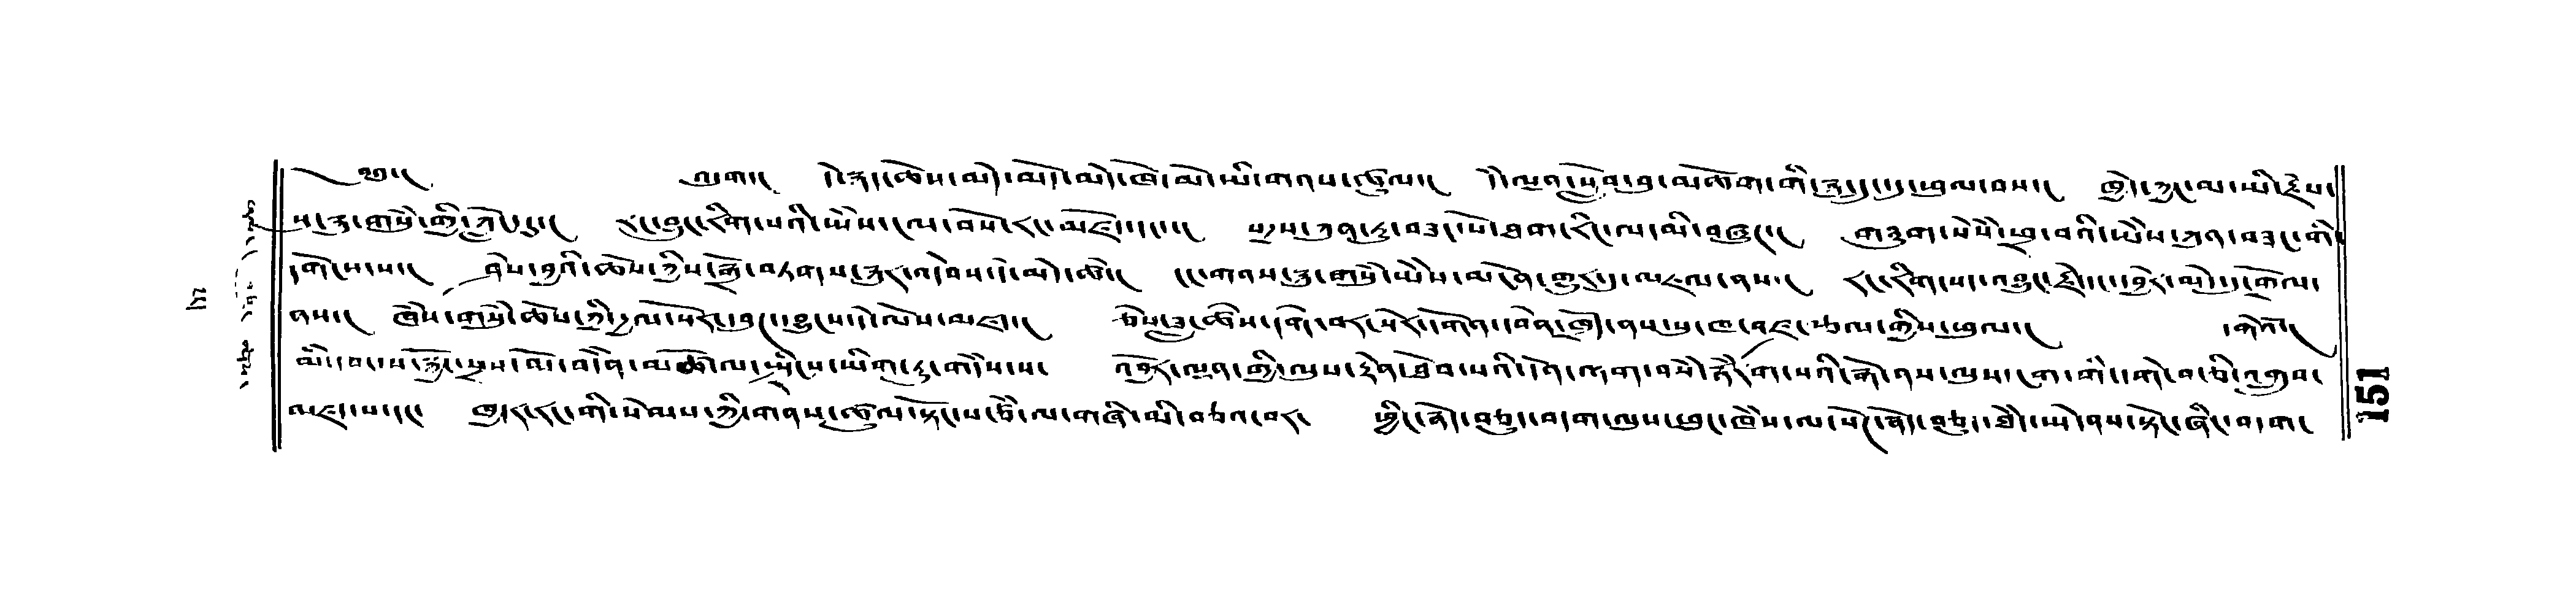འདུག །དེ་སྐད་ཆོས་མེད་མདོ་མེད་ཁོ་མོ་ཡི་གནས་ཚུལ། །དམ་ལྡན་སློབ་བུ་མཆོག་གི་སྐུ་དྲུང་དུ་ཕུལ་བས། ཁྱེད་ཀྱང་མ་ཡི་རྗེས་
སུ་སྐུ་གསུམ་གྱི་ཀློང་དུ། །རང་བྱུང་རིག་པའི་ཡེ་ཤེས་ངལ་བསོ་རང་མཛོད་དང་། །སངས་རྒྱས་ཀུན་ཏུ་བཟང་པོ་ཐག་རིང་ལ་མི་བཞུགས། །གཉུག་སེམས་ཕྲ་བའི་ཡེ་ཤེས་ཀུན་བཟང་གི
་དགོངས་པ། །ཤེས་བྱའི་ཆོས་ཀྱིས་སྒྲོ་བཏགས་སྐུར་འདེབས་དེ་མེད་ཚེ། །ངང་གནས་སྐུ་གསུམ་ཡེ་ཤེས་མངོན་གྱུར་དུ་མཇལ་ནས། །རང་རིག་པད་འབྱུང་རྗེ་དང་དབྱེར་མེད་དུ་གྲོལ་
ནས། ཁམས་གསུམ་ཆོས་ཀྱི་རྒྱལ་པོར་དབུགས་དབྱུངས་དེ་ལོས་མཛད། ཅེས་ཟླ་ཚེས་དགེ་བར་སེར་དགོན་དབེན་ཁྲོད་ནས་སུ་ཁ་བཛྲ་རྩལ་གྱིས་ཕུལ། དགེའོ།། 
མི་དབང་ས་སྐྱོང་སྲས་མོ་བདེ་ཆེན་མཚོ་ལ་སྤྲིངས་ཡིག་ཏུ་གདམས་པ། འབྱོར་ལྡན་གྱི་ལུས་རྟེན་ཐོབ་པའི་དོན་ལྷག་བསམ་རྣམ་པར་དག་པའི་སྒོ་ནས་ལུས་ངག་གི་དགེ་བ་ཅི་འགྲུབ་
མཛད་པ་དང་།ཁྱད་པར་རང་གི་སེམས་ཀྱི་གནས་ཚུལ་སྟོང་པ་ཙམ་ལ་གཞི་མི་བཅའ་བར། ཕྱི་ནང་སྣོད་བཅུད་བདག་ལུས་ཕུང་ཁམས་ལ་སོགས་སྣོད་བཅུད་ཐམས་ཅད་ཡེ་ནས་སྟོང་ཞིང་བདག་